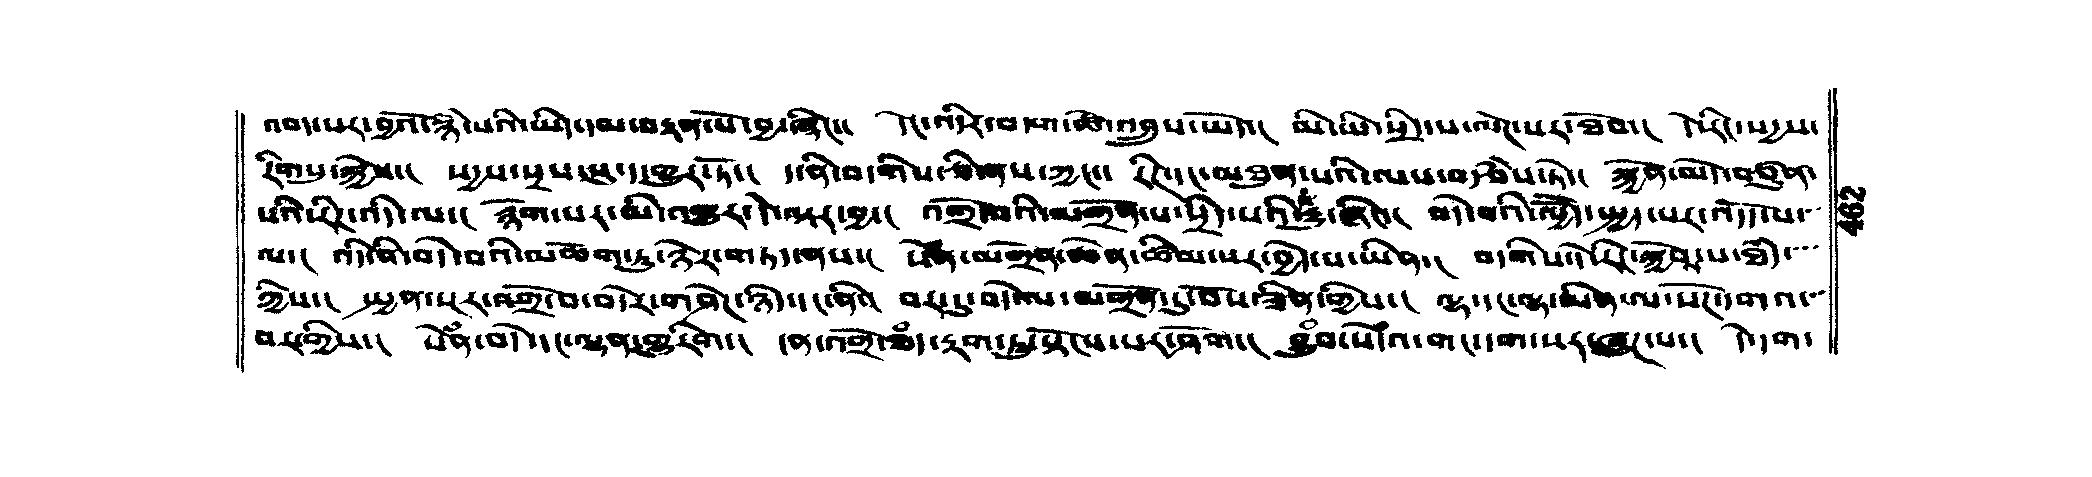འབད་པར་བྱའོ་སྙམ་པའི་ཡིད་དམ་བརྟན་པོ་བྱ་ཞིང་། དེང་འདིར་བདག་ཚེ་འབྲས་བུ་ཡོད། །མི་ཡི་སྲིད་པ་ལེགས་པར་ཐོབ། །དེ་རིང་སངས་རྒྱས་
རིགས་སུ་སྐྱེས། །སངས་རྒྱས་སྲས་སུ་བདག་གྱུར་ཏོ། །ད་ནི་བདག་གིས་ཅི་ནས་ཀྱང་། །རིགས་དང་མཐུན་པའི་ལས་བརྩམས་ཏེ། །སྐྱོན་མེད་བཙུན་
པའི་རིགས་འདི་ལ། །རྙོག་པ་མི་འགྱུར་དེ་ལྟར་བྱ། །འགྲོ་བའི་མགྲོན་པོ་སྲིད་པའི་ལམ་རྒྱུ་ཞིང་། །བདེ་བའི་ལོངས་སྤྱོད་སྤྱད་པར་འདོད་པ་
ལ། །འདི་ནི་བདེ་བའི་མཆོག་ཏུ་་ཉེར་གཏད་ནས། །སེམས་ཅན་མགྲོན་ཆེན་ཚིམ་པར་བྱེད་པ་ཡིན། །བདག་གི་དེ་རིང་སྐྱོབས་པ་ཐམས་ཅད་
ཀྱིས། །སྤྱན་སྔར་འགྲོ་བའི་བདེར་བཤེགས་ཉིད་དང་ནི། །བར་དུ་དེ་ལ་མགྲོན་དུ་འབོད་ཟིན་གྱིས། །ལྷ་དང་ལྷ་མིན་ལ་སོགས་དགའ་
བར་གྱིས། །སེམས་ཐམས་ཅད་ཅན་བདེ་དང་ལྡན་གྱུར་ཅིག་།ངན་འགྲོ་ཐམས་ཅད་རྟག་ཏུ་སྟོངས་པར་ཤོག་།བྱང་ཆུབ་སེམས་དཔའ་གང་དག་སར་ཞུགས་པ། །དེ་དག་